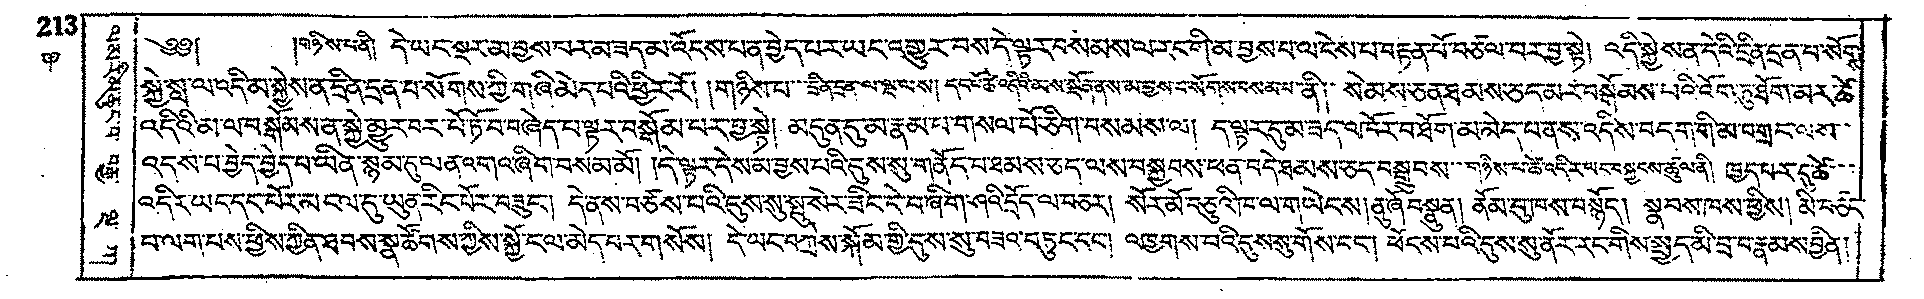༄༅། །གཉིས་པ་ནི།  དེ་ཡང་སྔར་མ་བྱས་པར་མ་ཟད་མ་འོངས་པ་ན་བྱེད་པར་ཡང་འགྱུར་བས་དེ་ལྟར་བསམས་ལ་རང་གི་མ་བྱས་པ་ལ་ངེས་པ་བརྟན་པོ་བཙལ་བར་བྱ་སྟེ། འདི་སྐྱེས་ན་དེའི་དྲིན་དྲན་པ་སོགས་
སྐྱེ་སླ་ལ་འདི་མ་སྐྱེས་ན་དྲིན་དྲན་པ་སོགས་ཀྱི་གཞི་མེད་པའི་ཕྱིར་རོ། །གཉིས་པདྲིན་དྲན་ལ་ལྔ་ལས། དང་པོ་ཚེ་འདིའི་མས་སྔོན་ནས་མ་བྱས་པ་སོགས་བསམ་པནི། སེམས་ཅན་ཐམས་ཅད་མར་བསྒོམས་པའི་འོག་ཏུ་ཐོག་མར་ཚེ་
འདིའི་མ་ལ་བསྒོམས་ན་སྐྱེ་མྱུར་བར་པོ་ཏོ་བ་བཞེད་པ་ལྟར་བསྒོམ་པར་བྱ་སྟེ། མདུན་དུ་མ་རྣམ་པ་གསལ་པོ་ཅིག་བསམས་ལ། ད་ལྟར་དུ་མ་ཟད་འཁོར་བ་ཐོག་མ་མེད་པ་ནས་འདིས་བདག་གི་མ་བགྲང་ལས་
འདས་པ་བྱེད་བྱེད་པ་ཡིན་སྙམ་དུ་ལན་འགའ་ཞིག་བསམ་མོ། །དེ་ལྟར་དེས་མ་བྱས་པའི་དུས་སུ་གནོད་པ་ཐམས་ཅད་ལས་བསྐྱབས་ཕན་བདེ་ཐམས་ཅད་བསྒྲུབསགཉིས་པ་ཚེ་འདིར་ཡང་བསྐྱངས་ཚུལ་ནི།  ཁྱད་པར་དུ་ཚེ་
འདིར་ཡང་དང་པོར་མངལ་དུ་ཡུན་རིང་པོར་བཟུང་། དེ་ནས་བཙས་པའི་དུས་སུ་སྤུ་སེར་ཟིང་དེ་བ་ཞིག་ཤའི་དྲོད་ལ་བཅར། སོར་མོ་བཅུའི་ཁ་ལ་གཡེངས། ནུ་ཞོ་བསྣུན། ནོམ་བུ་ཁས་བསྙོད། སྣབས་ཁས་ཕྱིས། མི་བཙང་
བ་ལག་པས་ཕྱིས་ཀྱིན་ཐབས་སྣ་ཚོགས་ཀྱིས་སྐྱོ་ངལ་མེད་པར་གསོས། དེ་ཡང་བཀྲེས་སྐོམ་གྱི་དུས་སུ་བཟའ་བཏུང་དང་། འཁྱགས་པའི་དུས་སུ་གོས་ངང་། ཕོངས་པའི་དུས་སུ་ནོར་རང་གིས་སྤྱད་མི་བྲ་བ་རྣམས་བྱིན།